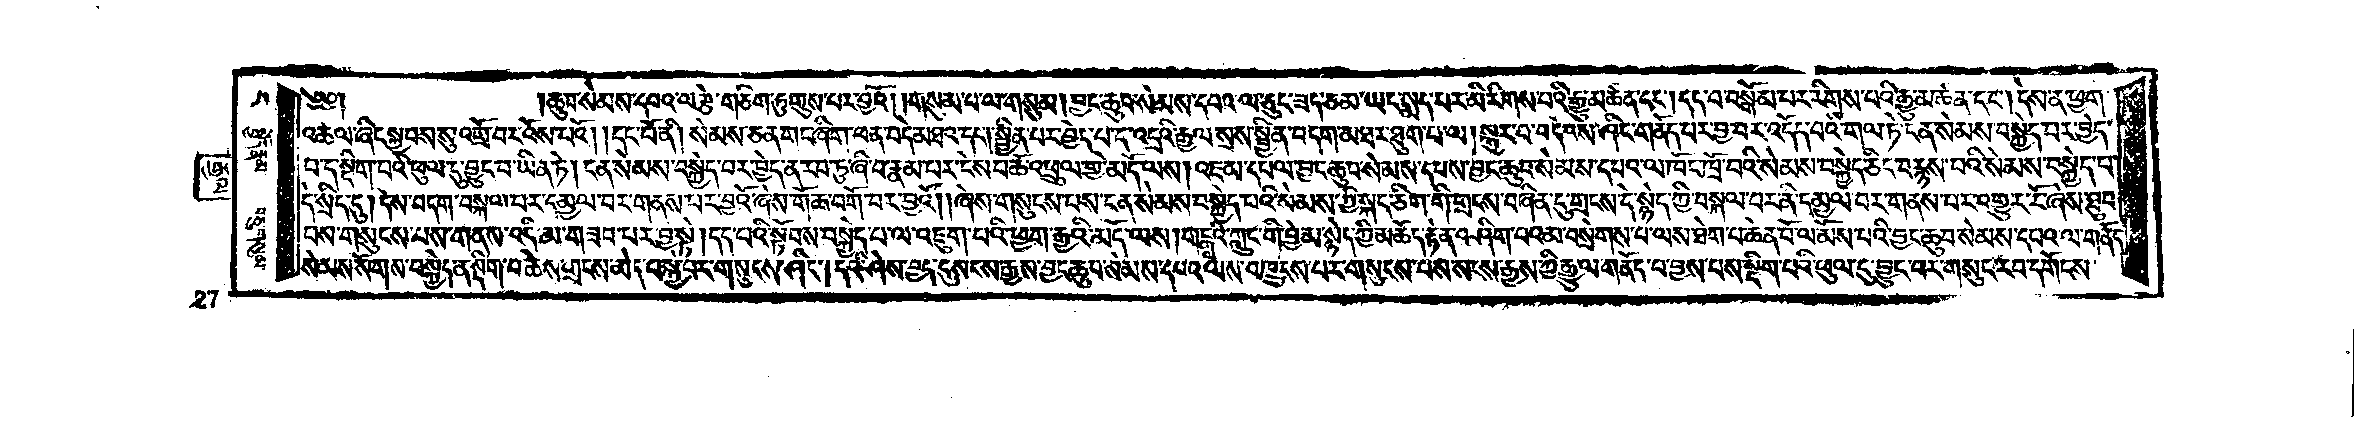༄༅། །ཆུབ་སེམས་དཔའ་ལ་རྩེ་གཅིག་ཏུ་གུས་པར་བྱའོ། །གསུམ་པ་ལ་གསུམ། བྱང་ཆུབ་སེམས་དཔའ་ལ་ཅུང་ཟད་ཙམ་ཡང་སྨད་པར་མི་རིགས་པའི་རྒྱུ་མཚན་དང་། དད་པ་བསྒོམ་པར་རིགས་པའི་རྒྱུ་མཚན་དང་། དེས་ན་ཕྱག་
འཚལ་ཞིང་སྐྱབས་སུ་འགྲོ་བར་འོས་པའོ། །དང་པོ་ནི། སེམས་ཅན་གང་ཞིག་ཕན་བདེ་མཐའ་དང་། སྦྱིན་པར་བྱེད་པ་དེ་འདྲའི་རྒྱལ་སྲས་སྦྱིན་བདག་མཐར་ཐུག་པ་ལ། སྐུར་བ་འདེབས་ཤིང་གནོད་པར་བྱ་བར་འདོད་པའི་གལ་ཏེ་ངན་སེམས་བསྐྱེད་པར་བྱེད་
པ་དེ་སྡིག་པའི་ཕུལ་དུ་བྱུང་བ་ཡིན་ཏེ། ངན་སེམས་བསྐྱེད་པར་བྱེད་ན་རབ་ཏུ་ཞི་བ་རྣམ་པར་ངེས་པ་ཆོ་འཕྲུལ་གྱི་མདོ་ལས། འཇམ་དཔལ་བྱང་ཆུབ་སེམས་དཔས་བྱང་ཆུབ་སེམས་དཔའ་ལ་ཁོང་ཁྲོ་བའི་སེམས་བསྐྱེད་ཅིང་བརྙས་པའི་སེམས་བསྐྱེད་པ་
དེ་སྲིད་དུ། དེས་བདག་བསྐལ་པར་དམྱལ་བར་གནས་པར་བྱའོ་ཞེས་གོ་ཆ་བགོ་བར་བྱའོ། །ཞེས་གསུངས་པས་ངན་སེམས་བསྐྱེད་པའི་སེམས་ཀྱི་སྐད་ཅིག་གི་གྲངས་བཞིན་དུ་གྲངས་དེ་སྙེད་ཀྱི་བསྐལ་པར་ནི་དམྱལ་བར་གནས་པར་འགྱུར་རོ་ཞེས་ཐུབ་
པས་གསུངས་པས་གནས་འདི་མ་གཟབ་པར་བྱ་སྟེ། དད་པའི་སྟོབས་བསྐྱེད་པ་ལ་འཇུག་པའི་ཕྱག་རྒྱའི་མདོ་ལས། གངགཱའི་ཀླུང་གི་བྱེ་མ་སྙེད་ཀྱི་མཆོད་རྟེན་བཤིག་པའམ་བསྲེགས་པ་ལས་ཐེག་པ་ཆེན་པོ་ལ་མོས་པའི་བྱང་ཆུབ་སེམས་དཔའ་ལ་གནོད་
སེམས་གོས་བསྐྱེད་ན་སྡིག་པ་ཆོས་གྲངས་མེད་པ་སྐྱེ་བར་གསུངས་ཤིང་། དེའི་ཤེས་བྱད་དུ་སངས་རྒྱས་བྱང་ཆུབ་སེམས་དཔའ་ལས་འཁྲུངས་པར་གསུངས་པས་སངས་རྒྱས་ཀྱི་རྒྱུ་ལ་གནོད་པ་བྱས་པས་སྡིག་པའི་ཕུལ་དུ་བྱུང་བར་གསུང་རབ་དགོངས་